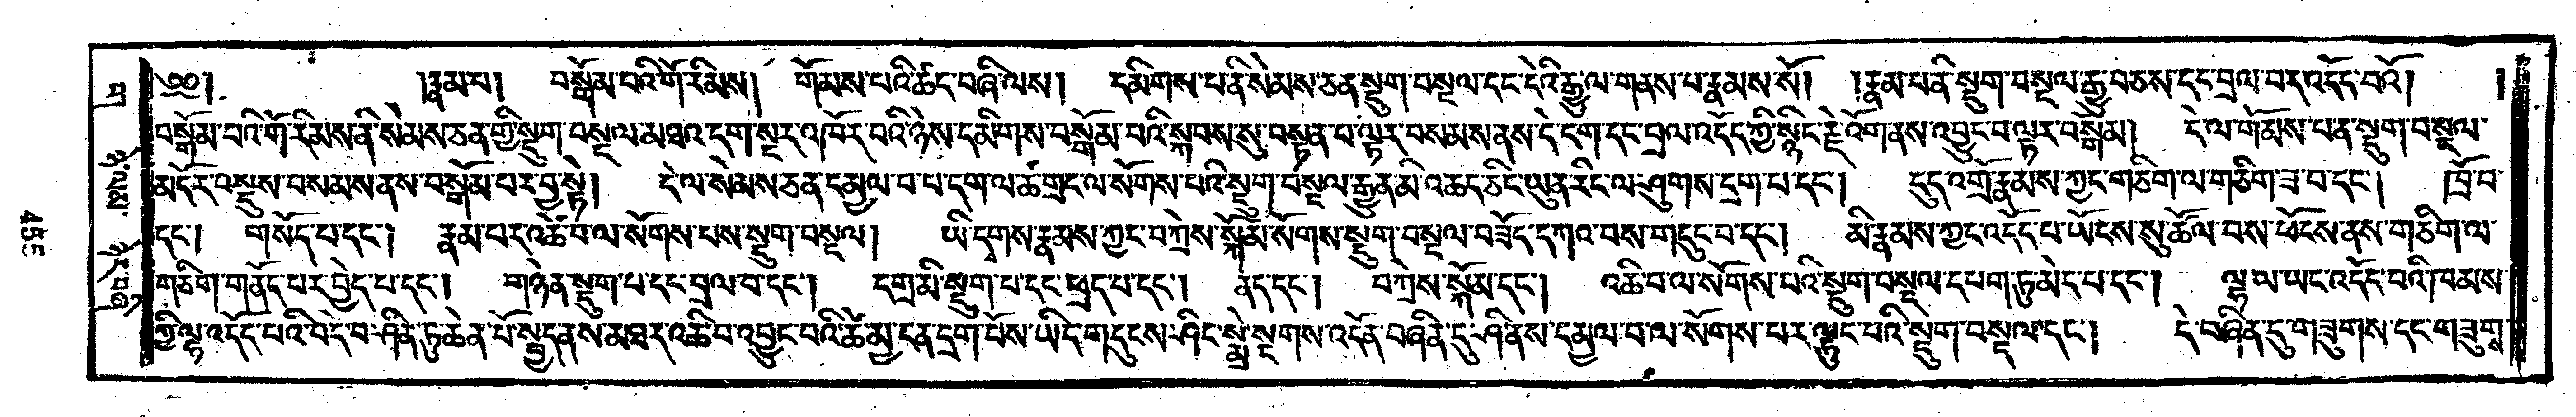༄༅། །རྣམ་པ། བསྒོམ་པའི་གོ་རིམས། གོམས་པའི་ཚང་བཞི་ལས། དམིགས་པ་ནི་སེམས་ཅན་སྡུག་བསྔལ་དང་དེའི་རྒྱུ་ལ་གནས་པ་རྣམས་སོ། །རྣམ་པ་ནི་སྡུག་བསྔལ་རྒྱུ་བཅས་དང་བྲལ་བར་འདོད་བའོ། །
བསྒོམ་པའི་གོ་རིམས་ནི་སེམས་ཅན་གྱི་སྡུག་བསྔལ་མཐའ་དག་སྔར་འཁོར་བའི་ཉེས་དམིགས་བསྒོམ་པའི་སྐབས་སུ་བསྟན་པ་ལྟར་བསམས་ནས་དེ་དག་དང་བྲལ་འདོད་ཀྱི་སྙིང་རྗེ་འོག་ནས་འབྱུང་བ་ལྟར་བསྒོམ། དེ་ལ་གོམས་པ་ན་སྡུག་བསྔལ་
མདོར་བསྡུས་བསམས་ནས་བསྒོམ་པར་བྱ་སྟེ། དེ་ལ་སེམས་ཅན་དམྱལ་བ་པ་དག་ལ་ཚ་གྲང་ལ་སོགས་པའི་སྡུག་བསྔལ་རྒྱུན་མི་འཆད་ཅིང་ཡུན་རིང་ལ་ཤུགས་དྲག་པ་དང་། དུད་འགྲོ་རྣམས་ཀྱང་གཅིག་ལ་གཅིག་ཟ་བ་དང་། ཁྲོ་བ་
དང་། གསོད་པ་དང་། རྣམ་པར་འཚེ་བ་ལ་སོགས་པས་སྡུག་བསྔལ། ཡི་དྭགས་རྣམས་ཀྱང་བཀྲེས་སྐོམ་སོགས་སྡུག་བསྔལ་བཟོད་དཀའ་བས་གདུང་བ་དང་། མི་རྣམས་ཀྱང་འདོད་པ་ཡོངས་སུ་ཚོལ་བས་ཕོངས་ནས་གཅིག་ལ་
གཅིག་གནོད་པར་བྱེད་པ་དང་། གཉེན་སྡུག་པ་དང་བྲལ་བ་དང་། དགྲ་མི་སྡུག་པ་དང་ཕྲད་པ་དང་། ནད་དང་། བཀྲེས་སྐོམ་དང་། འཆི་བ་ལ་སོགས་པའི་སྡུག་བསྔལ་དཔག་ཏུ་མེད་པ་དང་། ལྷ་ལ་ཡང་འདོད་པའི་ཁམས་
ཀྱི་ལྷ་འདོད་པའི་བདེ་བ་ཤིན་ཏུ་ཆེན་པོ་སྤྱད་ནས་མཐར་འཆི་བ་འབྱུང་བའི་ཚེ་མྱ་ངན་དྲག་པོས་ཡིད་གདུངས་ཤིང་སྨྲེ་སྔགས་འདོན་བཞིན་དུ་ཤི་ནས་དམྱལ་བ་ལ་སོགས་པར་ལྟུང་བའི་སྡུག་བསྔལ་དང་། དེ་བཞིན་དུ་གཟུགས་དང་གཟུགས་